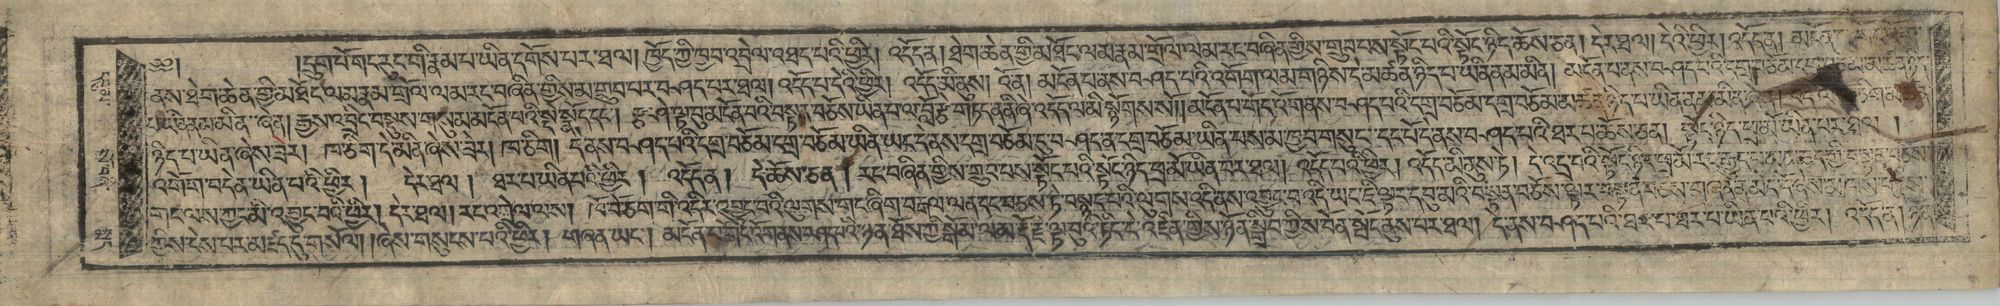༄༅། །དྲུག་པོ་གང་རུང་གི་རྣམ་པ་ཡིན་དགོས་པར་ཐལ། ཁྱོད་ཀྱི་ཁྱབ་འབྲེལ་འཐད་པའི་ཕྱིར། འདོད་ན། ཐེག་ཆེན་གྱི་མཐོང་ལམ་རྣམ་གྲོལ་ལམ་རང་བཞིན་གྱིས་གྲུབ་པས་སྟོང་པའི་སྟོང་ཉིད་ཆོས་ཅན། དེར་ཐལ། དེའི་ཕྱིར། འདོད་ན། མངོན་པ་གོང་འོག་
ནས་ཐེག་ཆེན་གྱི་མཐོང་ལམ་རྣམ་གྲོལ་ལམ་རང་བཞིན་གྱིས་མ་གྲུབ་པར་བཤད་པར་ཐལ། འདོད་པ་དེའི་ཕྱིར། འདོད་མི་ནུས། འོ་ན། མངོན་པ་ནས་བཤད་པའི་འགོག་ལམ་གཉིས་དེ་མཚན་ཉིད་པ་ཡིན་ནམ་མིན། མངོན་པ་ནས་བཤད་པའི་དགྲ་བཅོམ་དགྲ་བཅོམ་མཚན་ཉིད་
པ་ཡིན་ནམ་མིན་ཞེ་ན། རྒྱས་འབྲིང་བསྡུས་གསུམ་མངོན་པའི་སྡེ་སྣོད་དང་། རྩ་ཤེ་ལྟ་བུ་མངོན་པའི་བསྟན་བཅོས་ཡིན་པ་ལ་བློ་རྩེ་གཏད་ན་ནི་ཞེ་འདོད་ལ་མི་སྙོགསྶོ། །མངོན་པ་གོང་འོག་ནས་བཤད་པའི་དགྲ་བཅོམ་དགྲ་བཅོམ་མཚན་ཉིད་པ་ཡིན་ནམ་མིན་ཞེ་ན། འདི་ལ་ཁ་ཅིག་མཚན་
ཉིད་པ་ཡིན་ཞེས་ཟེར། ཁ་ཅིག་དེ་མིན་ཞེས་ཟེར། ཁ་ཅིག ། དེ་ནས་བཤད་པའི་དགྲ་བཅོམ་དགྲ་བཅོམ་ཡིན་ཡང་དེ་ནས་དགྲ་བཅོམ་དུ་བཤད་ན་དགྲ་བཅོམ་ཡིན་པས་མ་ཁྱབ་གསུང་དང་པོ་དེ་ནས་བཤད་པའི་ཐར་པ་ཆོས་ཅན། སྟོང་ཉིད་ཕྲ་མོ་ཡིན་པར་ཐལ།
འགོག་བདེན་ཡིན་པའི་ཕྱིར། དེར་ཐལ། ཐར་པ་ཡིན་པའི་ཕྱིར། འདོད་ན། དེ་ཆོས་ཅན། རང་བཞིན་གྱིས་གྲུབ་པས་སྟོང་པའི་སྟོང་ཉིད་ཕྲ་མོ་ཡིན་པར་ཐལ། འདོད་པའི་ཕྱིར། འདོད་མི་ནུས་ཏེ། དེ་འདྲ་བའི་སྟོང་ཉིད་ཕྲ་མོ་རང་རྒྱུད་པ་མན་ཆད་ཀྱི་བསྟན་བཅོས་
གང་ལས་ཀྱང་མི་འབྱུང་བའི་ཕྱིར། དེར་ཐལ། རང་འགྲེལ་ལས། ཁོ་བོ་ཅག་གི་འདིར་འབྱུང་བའི་ལུགས་གང་ཞིག་བརྒལ་ལན་དང་བཅས་ཏེ་བསྙད་པའི་ལུགས་འདི་ནས་འབྱུང་བ་འདི་ཡང་ཇི་ལྟར་དབུ་མའི་བསྟན་བཅོས་ལྟར་བསྟན་བཅོས་གཞན་ན་མེད་དོ་ཞེས་མཁས་པ་རྣཾས་
ཀྱིས་ངེས་པར་མཛད་དུ་གསོལ། །ཞེས་གསུངས་པའི་ཕྱིར། གཞན་ཡང་། མངོན་པ་གོང་འོག་ནས་བཤད་པའི་ཉན་ཐོས་ཀྱི་སྒོམ་ལམ་རྡོ་རྗེ་ལྟ་བུའི་ཏིང་ངེ་འཛིན་གྱིས་ཉོན་སྒྲིབ་ཀྱི་ས་བོན་སྤོང་ནུས་པར་ཐལ། དེ་ནས་བཤད་པའམ་ཐར་པ་ཐར་པ་ཡིན་པའི་ཕྱིར། འདོད་ན། ཉོན་